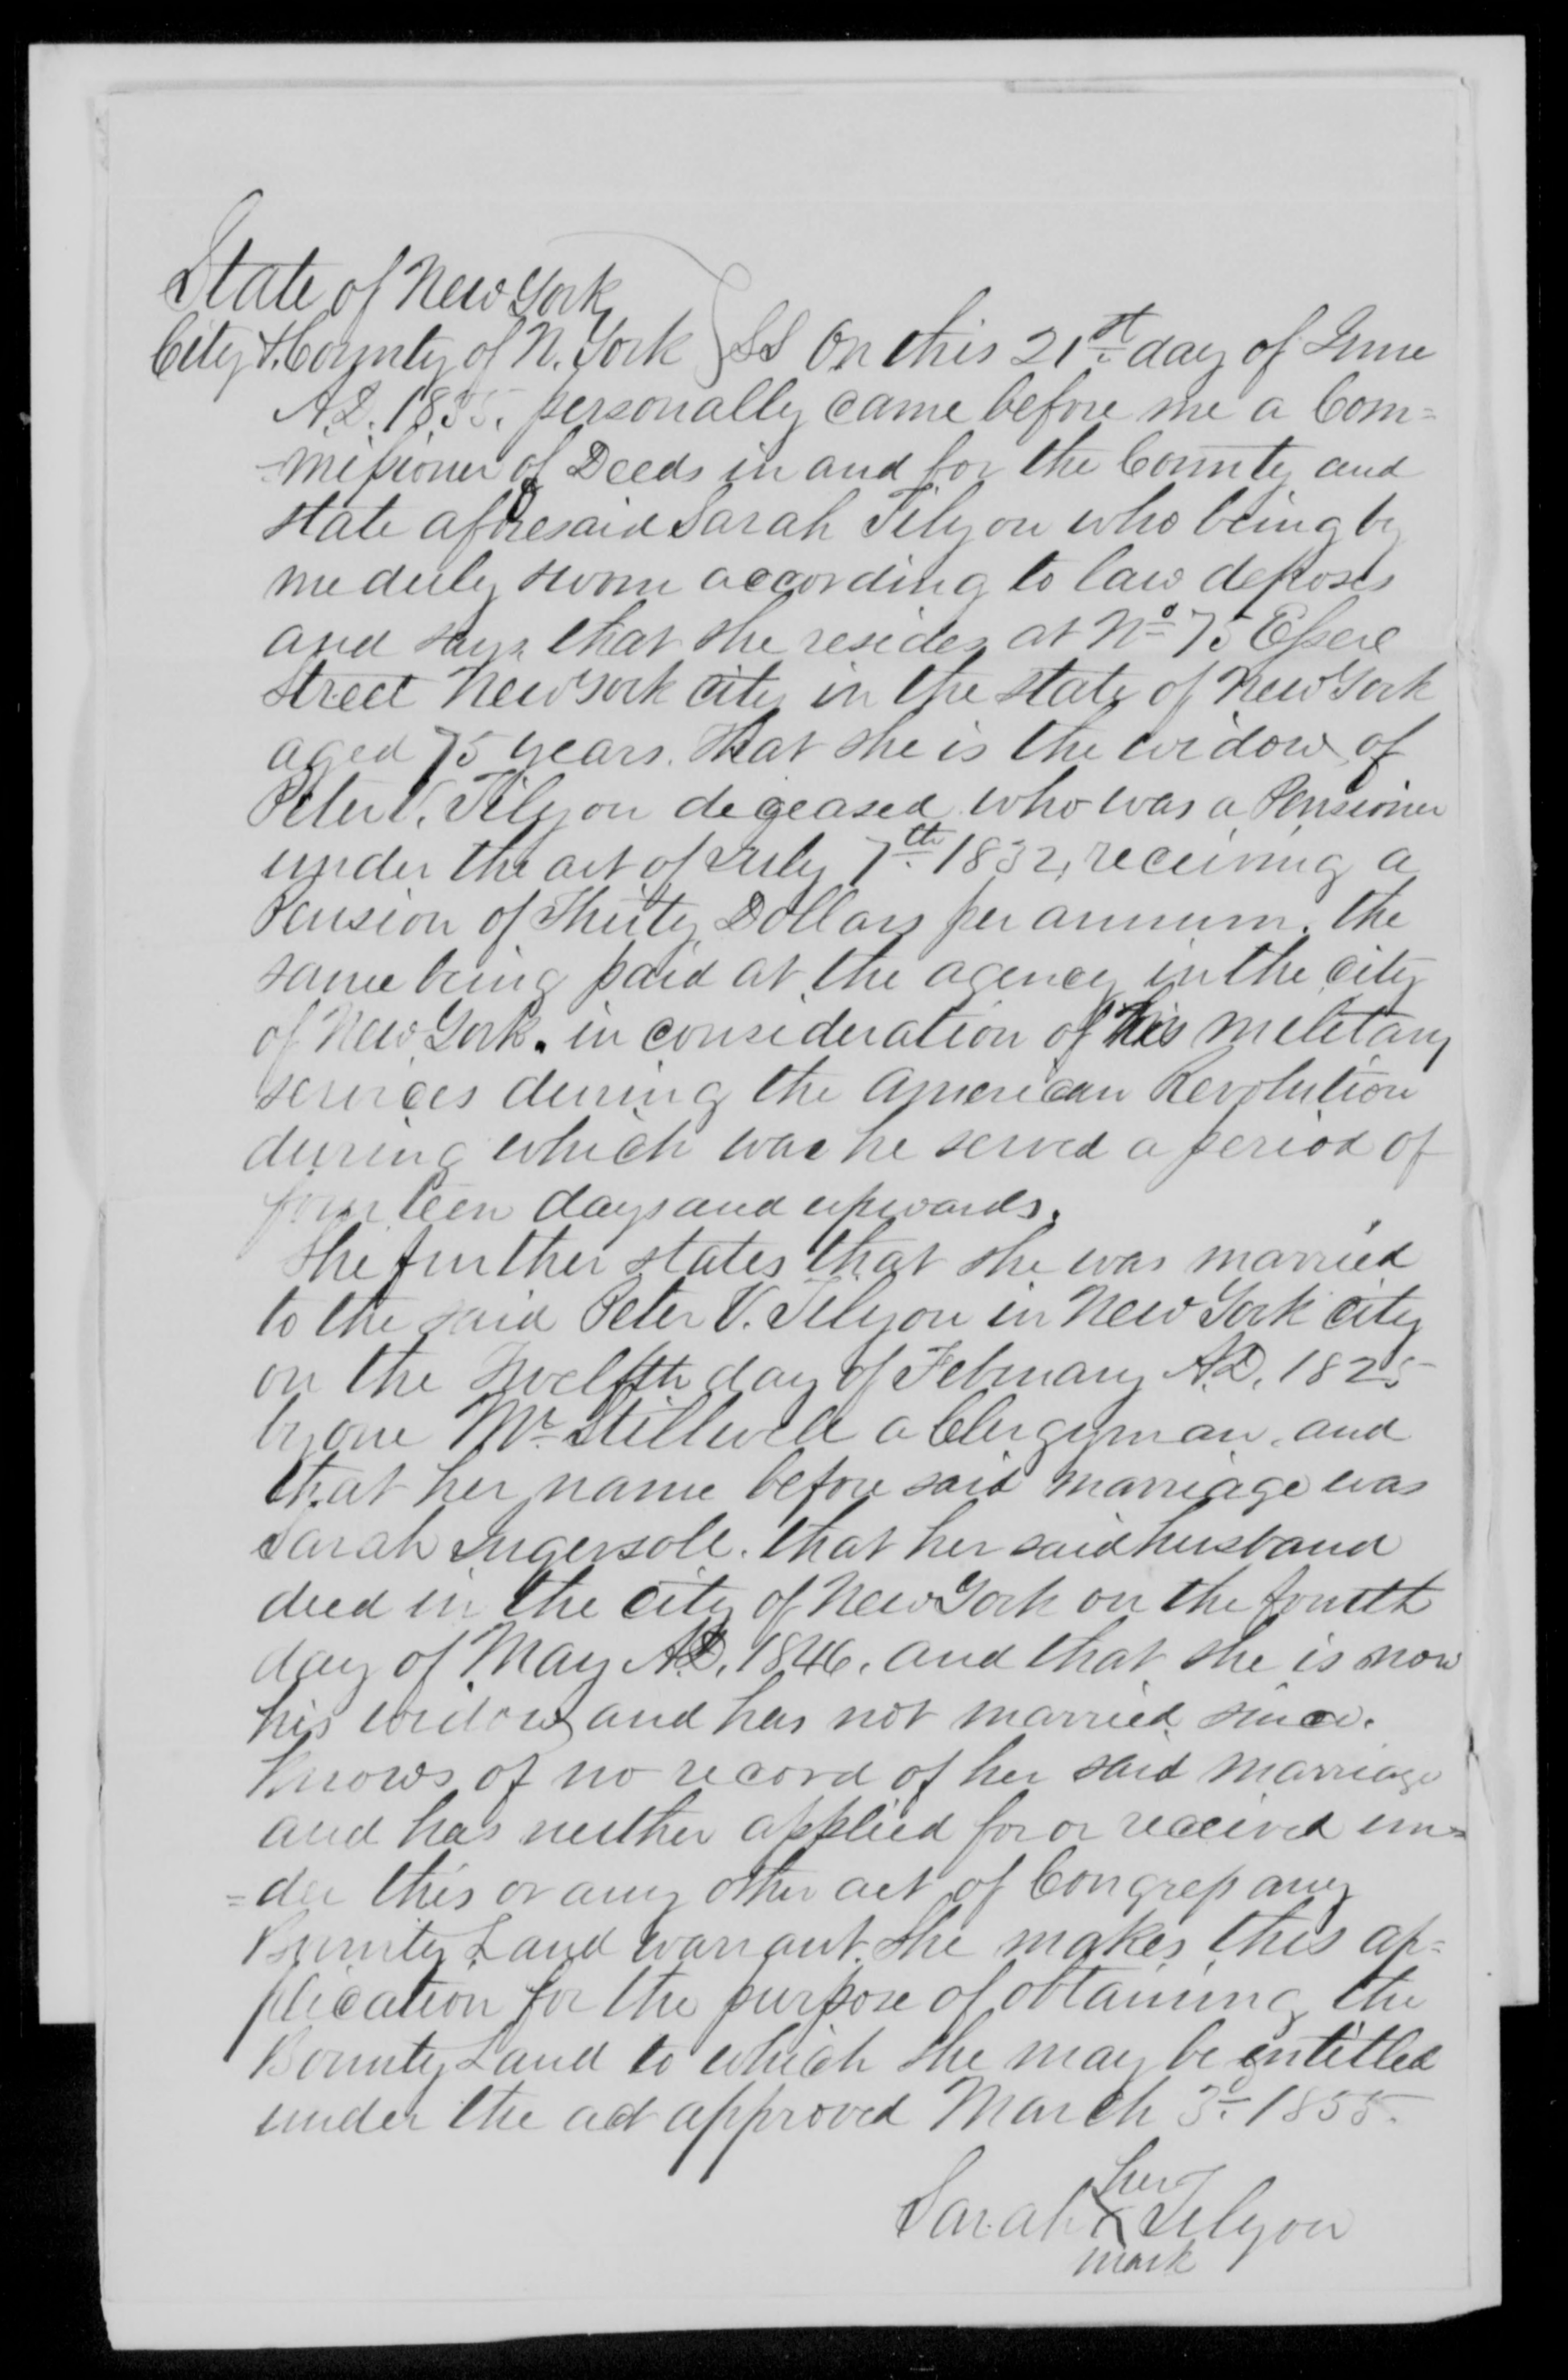State of New York
City & County of N.York} SS   On this 21st day of June A.D. 1855 personally came before me a Commissioner of Deeds in and for the County and State aforesaid Sarah Tilyou who being by me duly sworn according to law deposes and says that she resides at No. 75 Essex Street New York City in the State of New York aged 75 years. That she is the widow of Peter V. Tilyou deceased who was a pensioner under the act of July 7th 1832, receiving a Pension of Thirty Dollars per annum. The same being paid at the agency in the city of New York in consideration of his military services during the American Revolution during which he served a period of fourteen days and upwards.

She further states that she was married  to the said Peter V. Tilyou in New York City on the twelfth  day of February A.D. 1825 before Mr. Stillwell a clergyman, and that her name before said marriage was Sarah Ingersole, that her said husband died in the city of New York on the fourth day of May A.D. 1846 and that she is now his widow and has not married since, knows of no record of her said marriage and has neither applied for or received under this or any other Act of Congress any Bounty Land warrant. She makes this application for the purpose of obtaining the Bounty Land to which she may be entitled under the act approved March 3, 1855.

    Her
Sarah X Tilyou
    Mark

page: 10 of 101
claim: widow's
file: W. 25481, for Peter V Tilyou, New Jersey